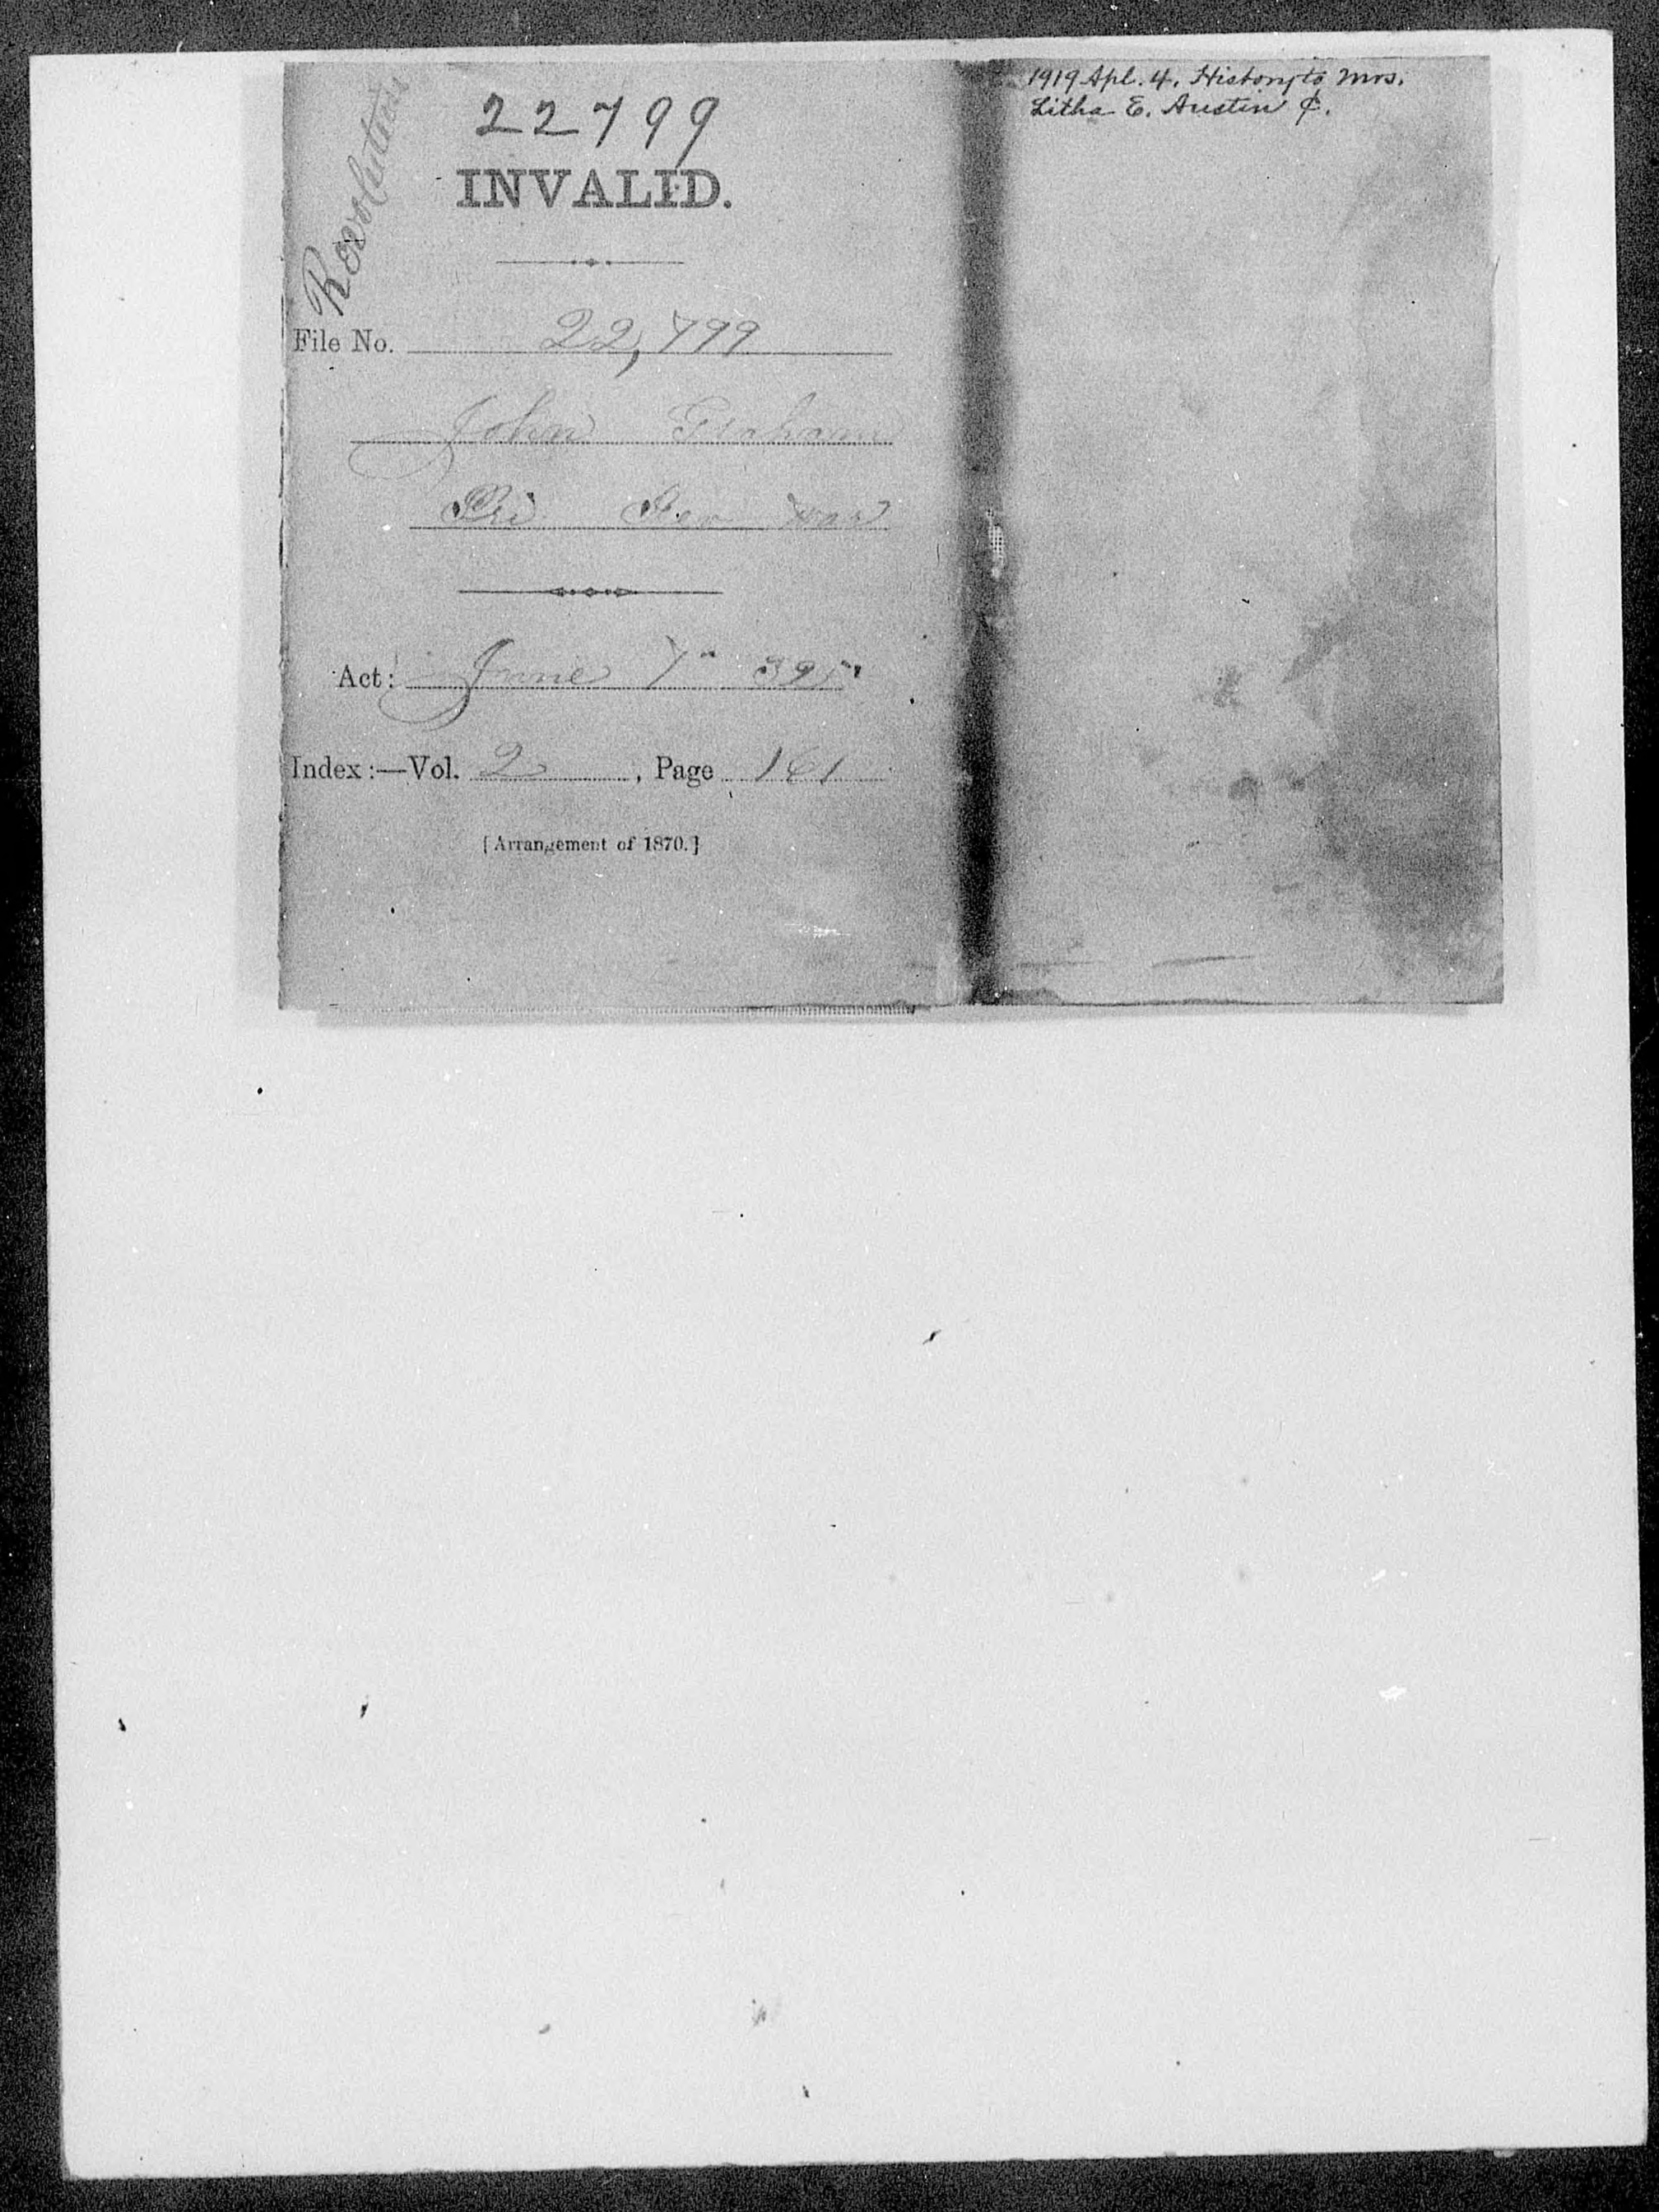22799
INVALID.
Revolution
File No. 22,799
John Graham
Pri. Rev. War
Act: June 7 32
Index:-Vol. 2, Page 161
[Arrangement of 1870.]
(Page 2)
1919 Apl. 4, History to Mrs. Litha E. Austin c.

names: Litha E Austin, John Graham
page: 27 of 28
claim: survivor's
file: S. 22799, John Graham, Mass